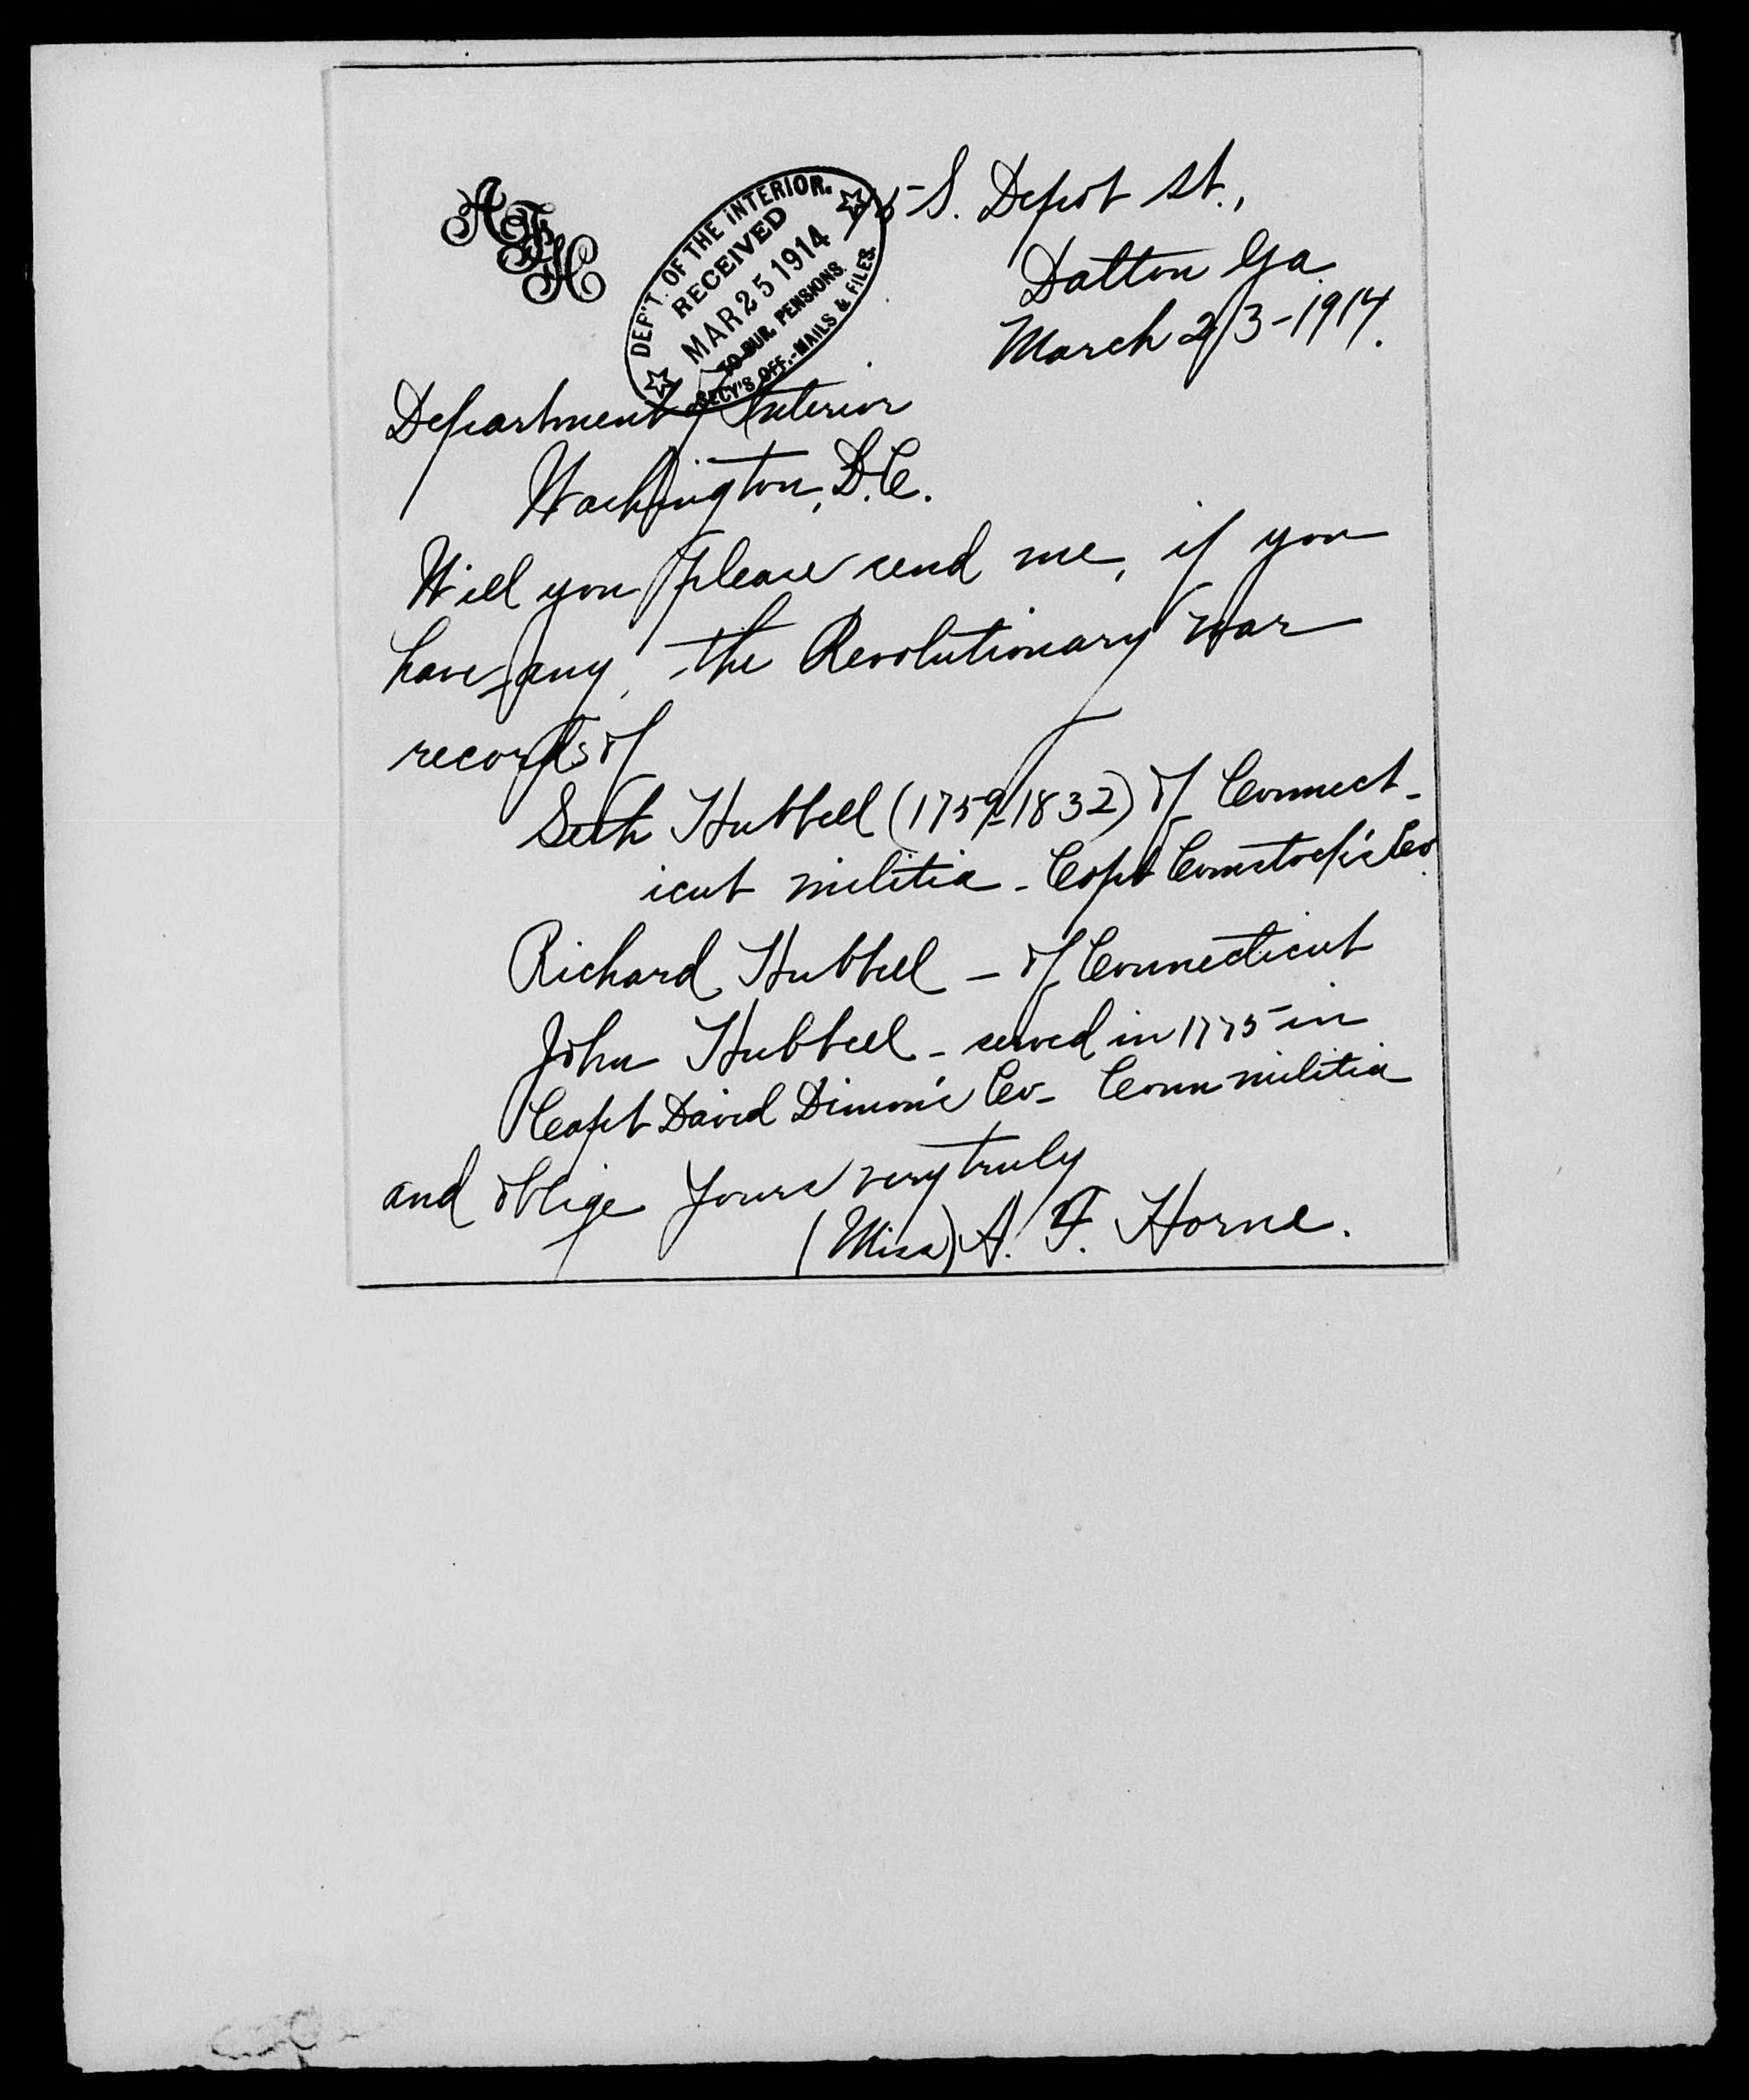DEP'T. OF THE INTERIOR.
RECEIVED
MAR 25 1914
TO BUR. PENSIONS
SECY'S OFF. - MAILS & FILES

15 S. Depot St.,
Dalton Ga.
March 23 - 1914.

Department Interior
Washington, D. C.

Will you please send me, if you have any, the Revolutionary War records of 

Seth Hubbell (1759-1832) of Connecticut Militia.  Capt Comstock's Cv.
Richard Hubbel - of Connecticut
John Hubbell - served in 1775 in Capt David Di[illegible] Cv. Conn militia

and oblige Yours very truly
(Miss) A. F. Horne.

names: Seth Hubbell, John Hubbell, Comstock, A F Horne, Richard Hubbell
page: 58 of 114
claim: widow's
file: W. 2115, Seth Hubbell, Conn.